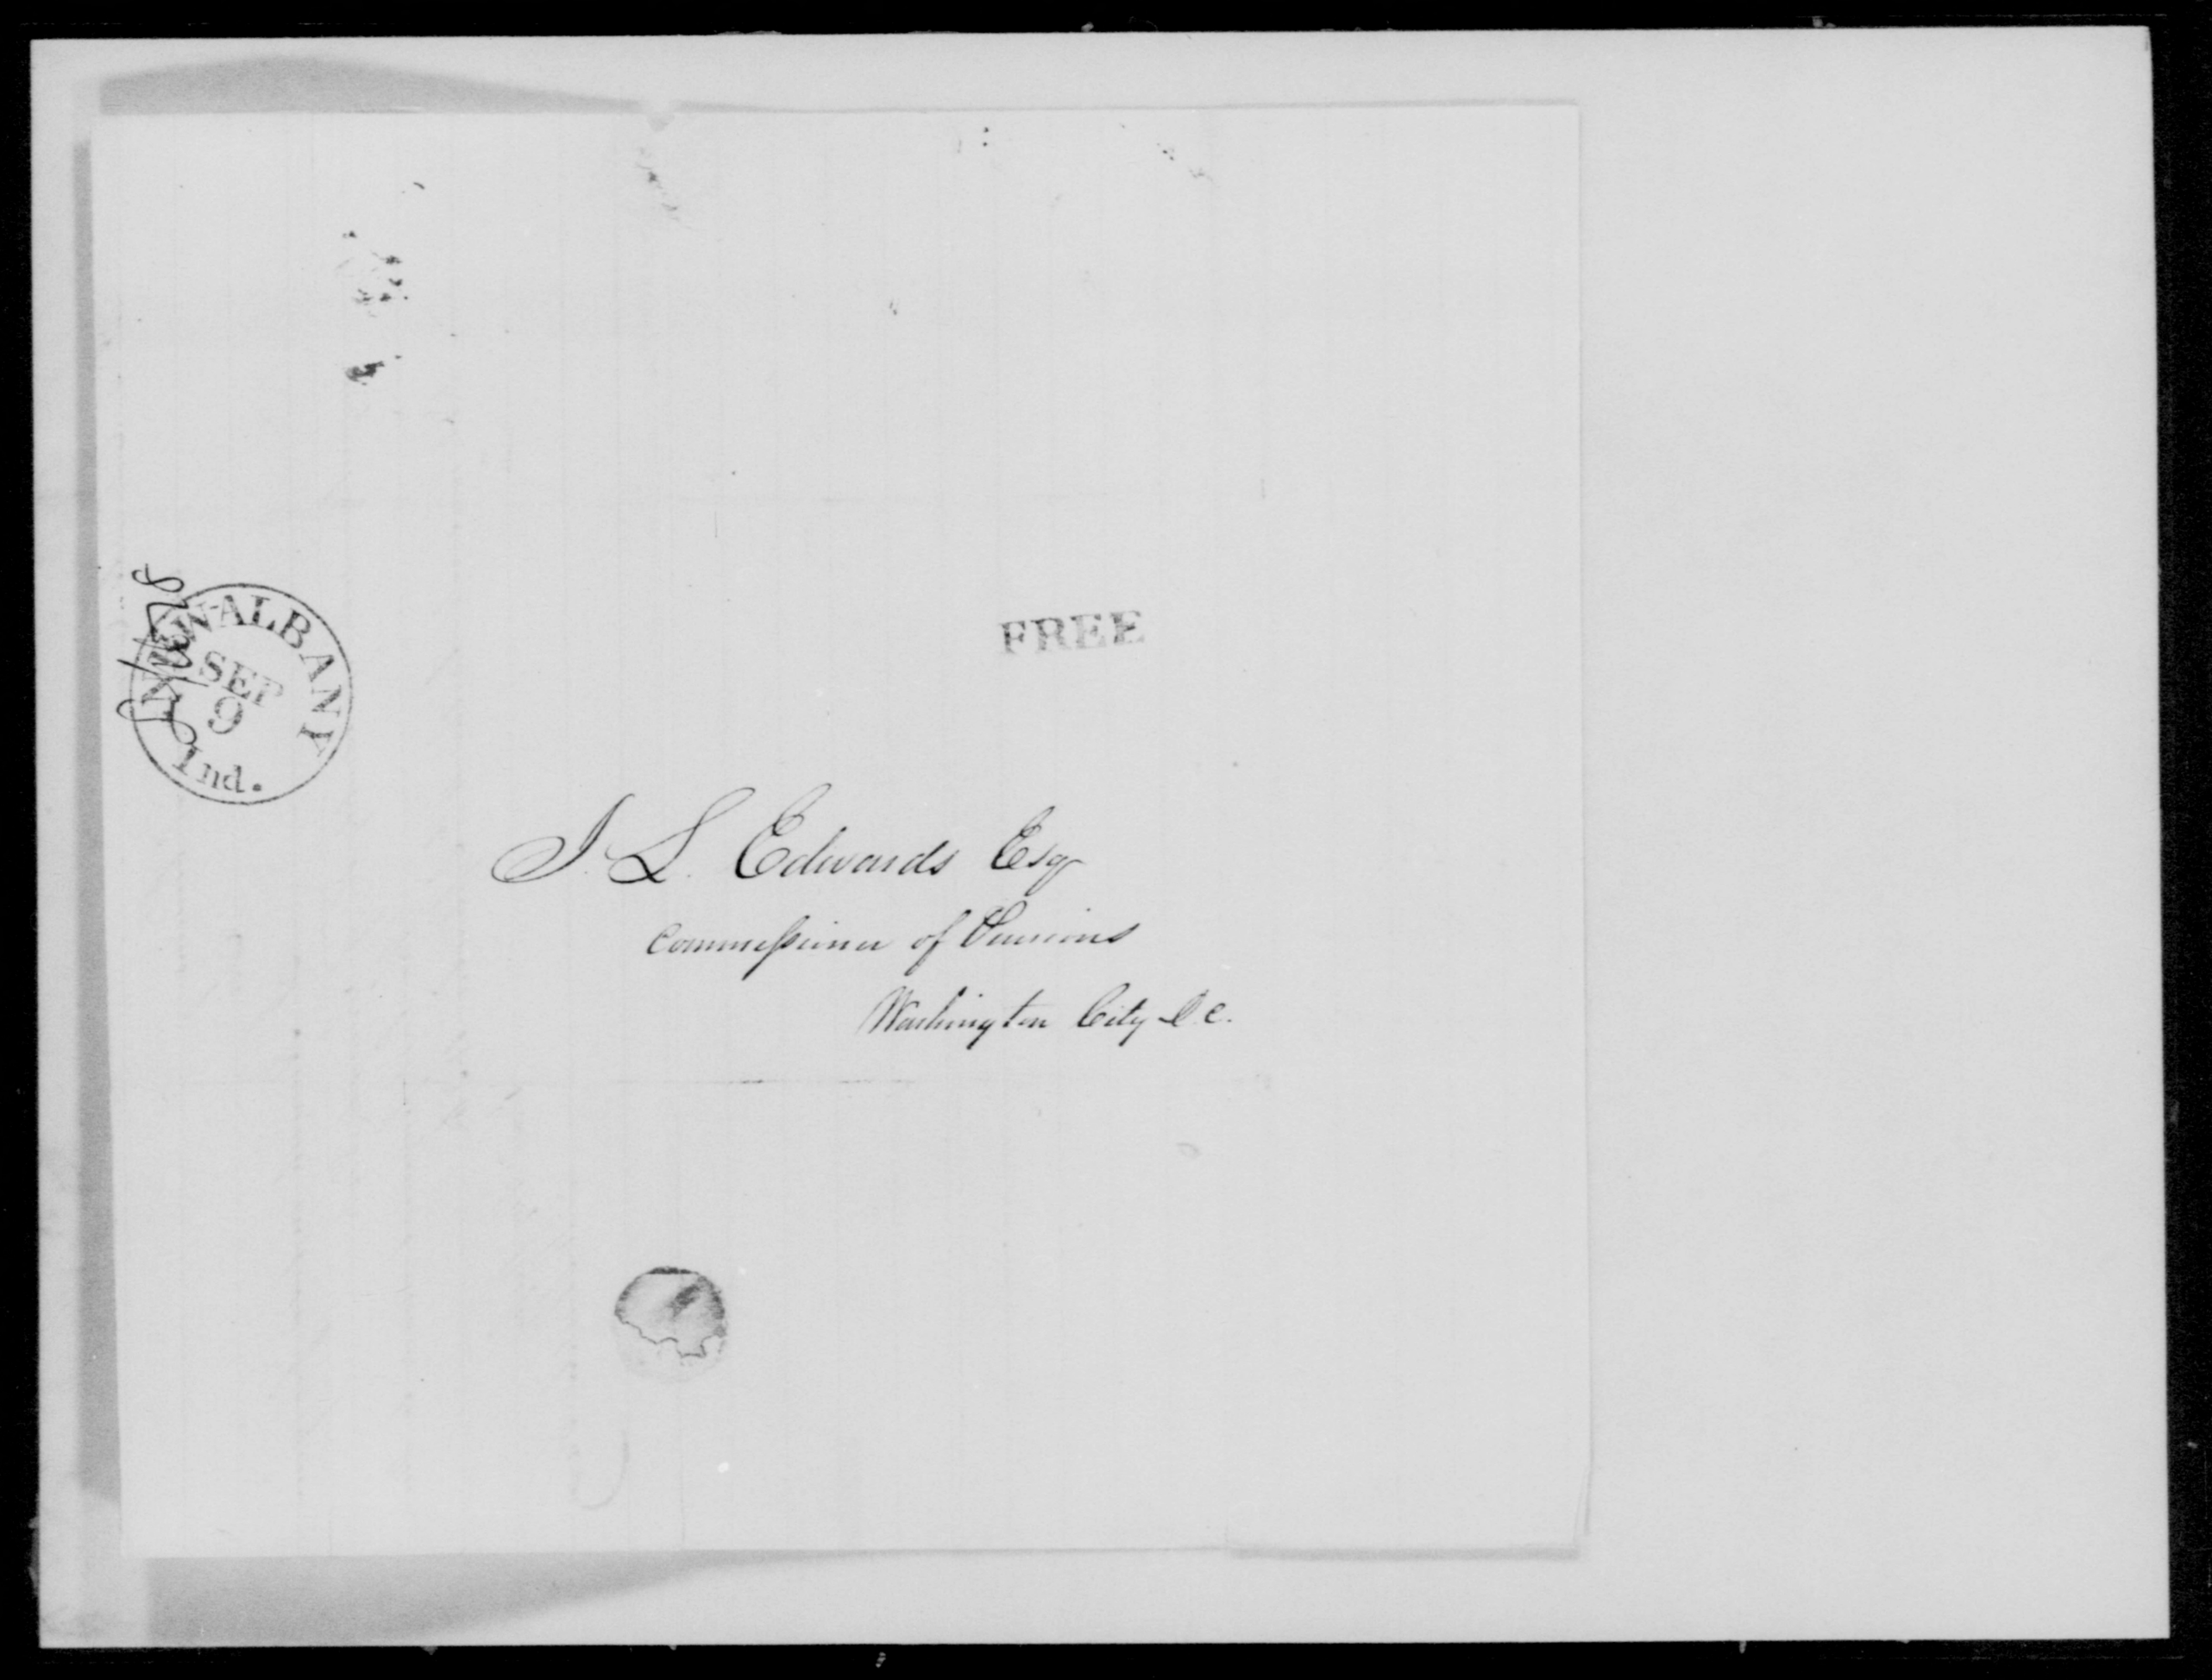FREE
J L Edwards Esq
Commissioner of Pensions
Washington City D.C.

Apl 78

[stamp]
NEW-ALBANY Ind.
SEP 9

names: J L Edwards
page: 14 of 15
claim: survivor's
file: S. 16,563, Samuel Vest, Va.